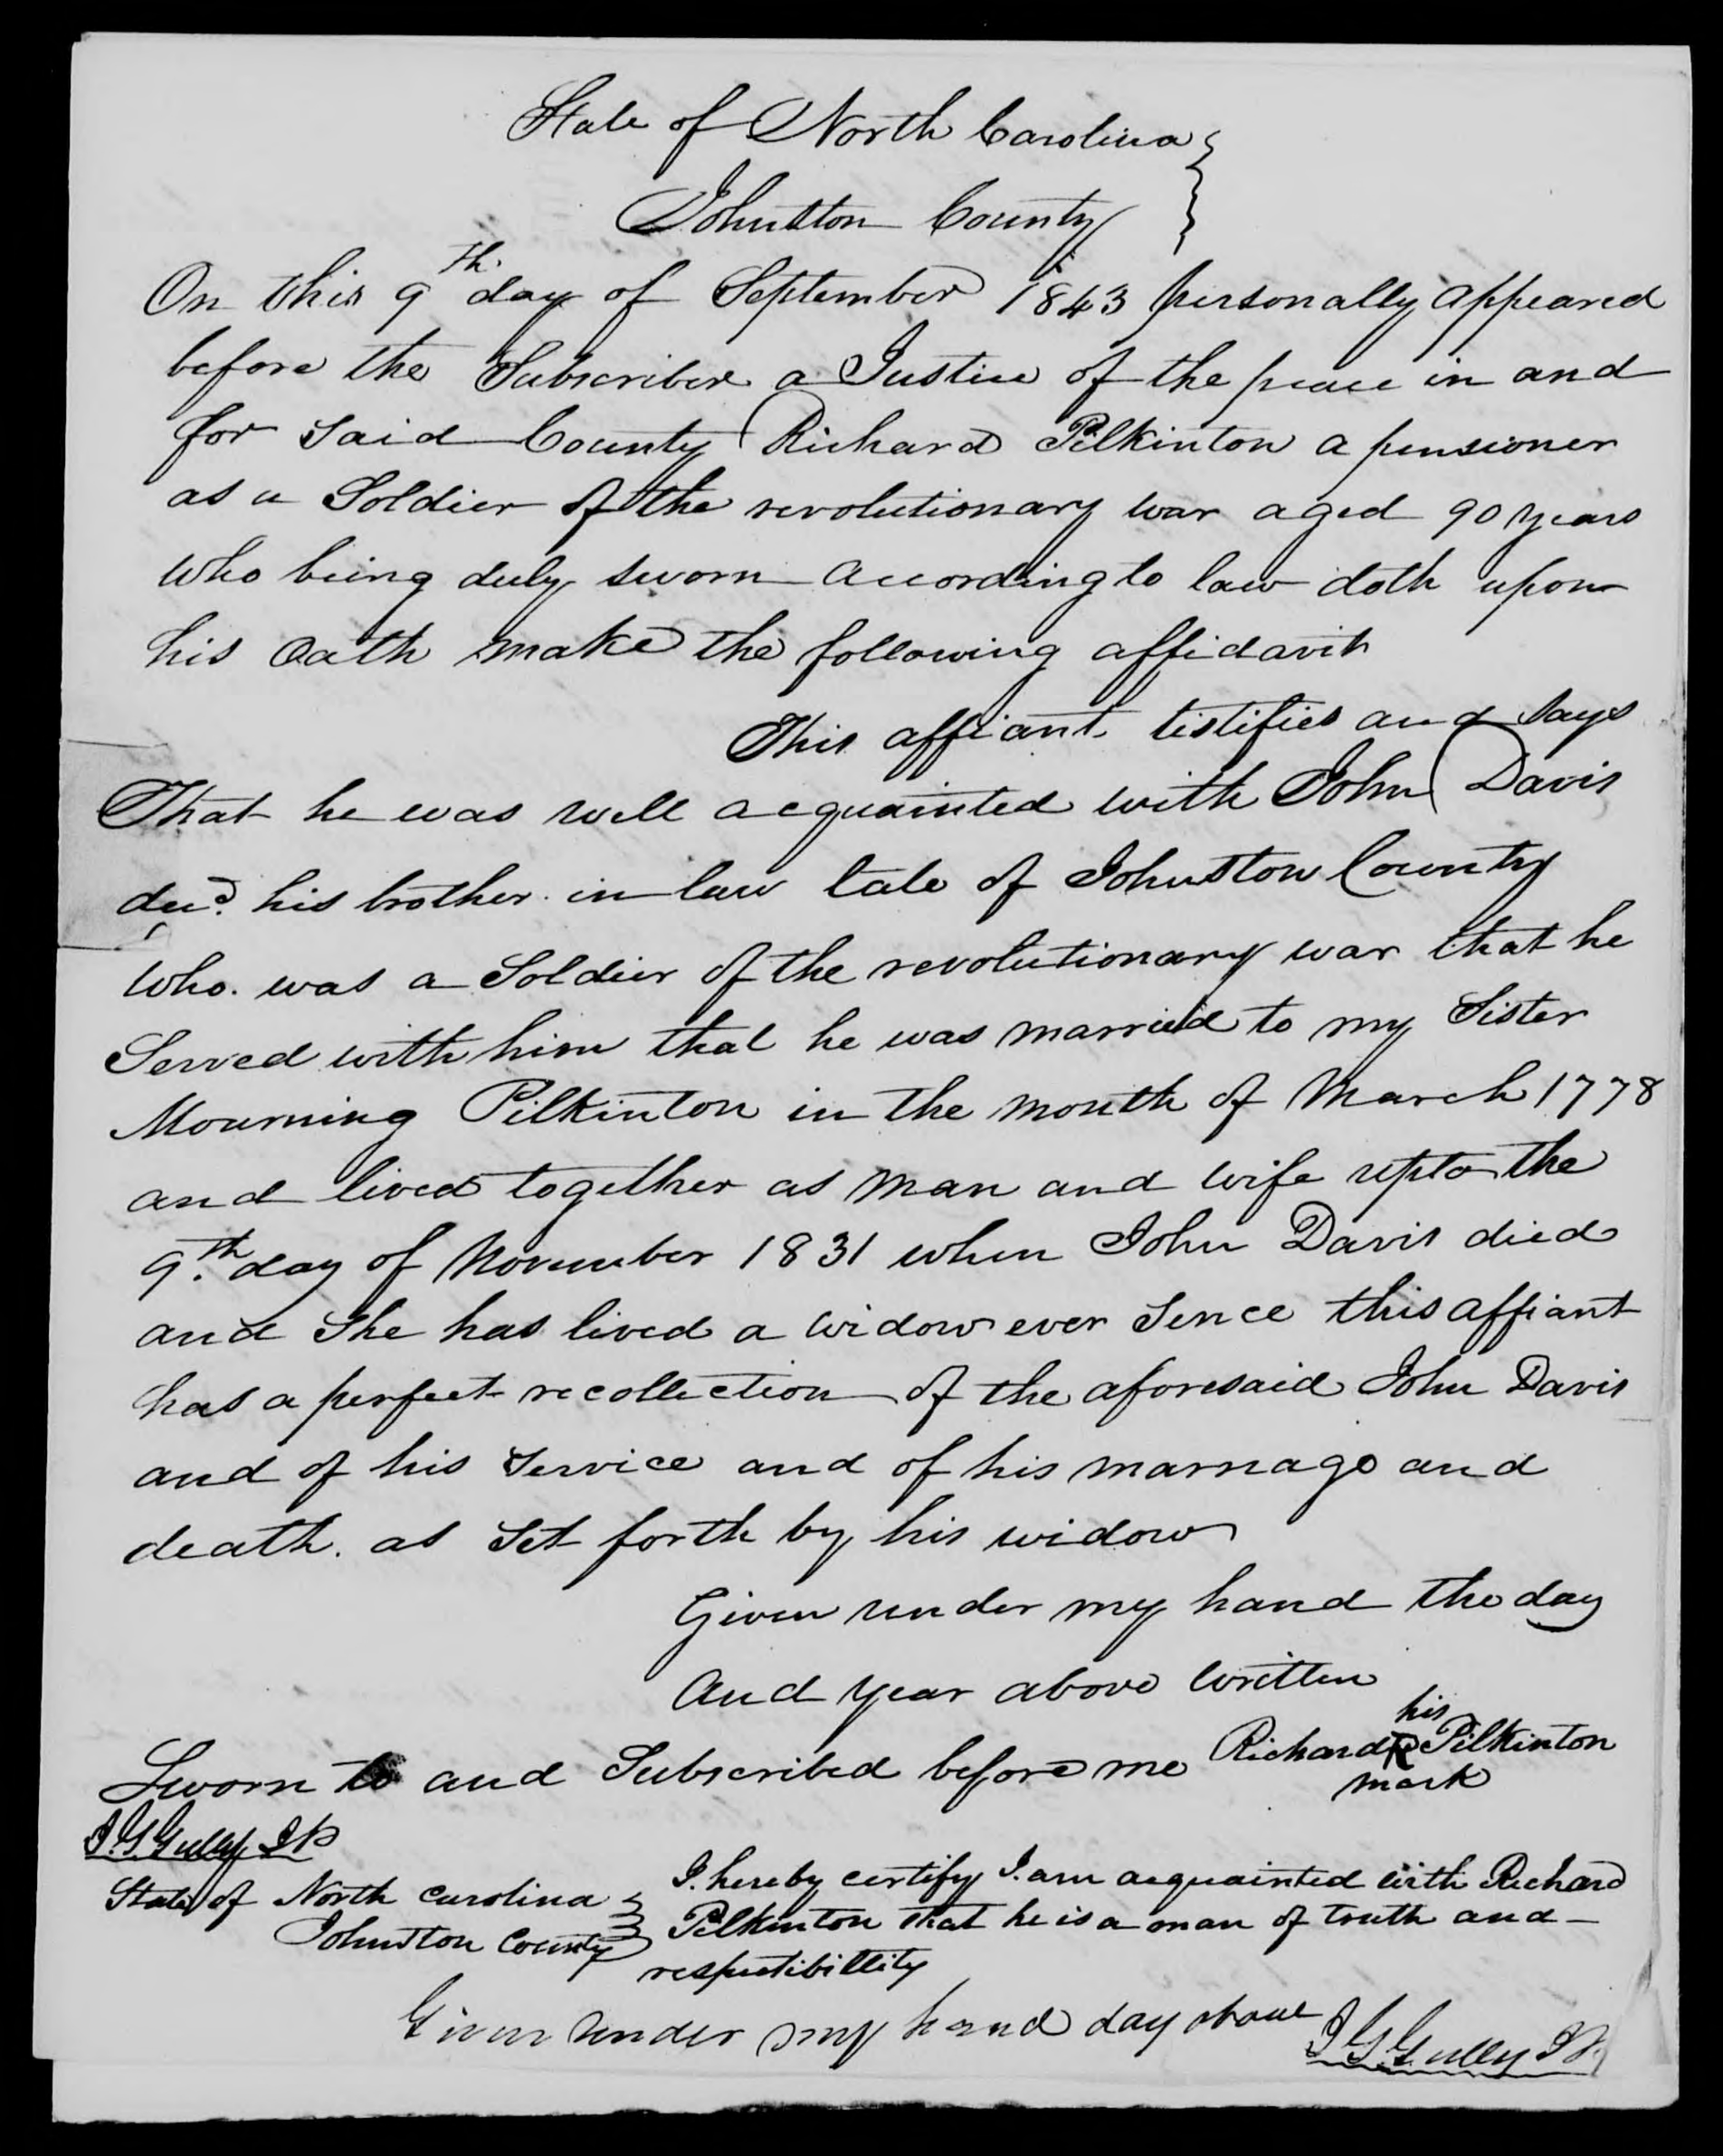State of North Carolina
Johnston County

On this 9th day of September 1843 personally appeared
before the Subscriber a Justice of the peace in and
for said County Richard Pilkinton a pensioner
as a Soldier of the revolutionary war aged 90
who being duly sworn according to law doth upon
his oath make the following affidavit.
               This affiant testifies and says
That he was well acquainted with John Davis
dec'd, his brother-in-law late of Johnston County
who was a Soldier of the revolutionary war that he
Served with him that he was married to my Sister
Mourning Pilkinton in the month of March 1778
and lived together as man and wife up to the 
9th day of November 1831 when John Davis died
and She has lived a widow ever Since this affiant
has a perfect recollection of the aforesaid John Davis
and of his Service and of his marriage and 
death, as set forth by his widow.

Richard     Pilkinton
        his X mark

Given under my hand the day 
and year above written

J.G. Gully J.P.

State of North Carolina
Johnston County

I hereby certify I am acquainted with Richard 
Pilkinton that he is a man of truth and
respectability

Given under my hand day above

J.G. Gully  J.P.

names: Richard Pilkinton, John Davis, J G Gully, Richard Pilkinton, Richard Pilkinton, J G Gully, Mourning Pilkinton, John Davis, John Davis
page: 3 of 29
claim: widow's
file: W. 19156, John Davis, N.C.